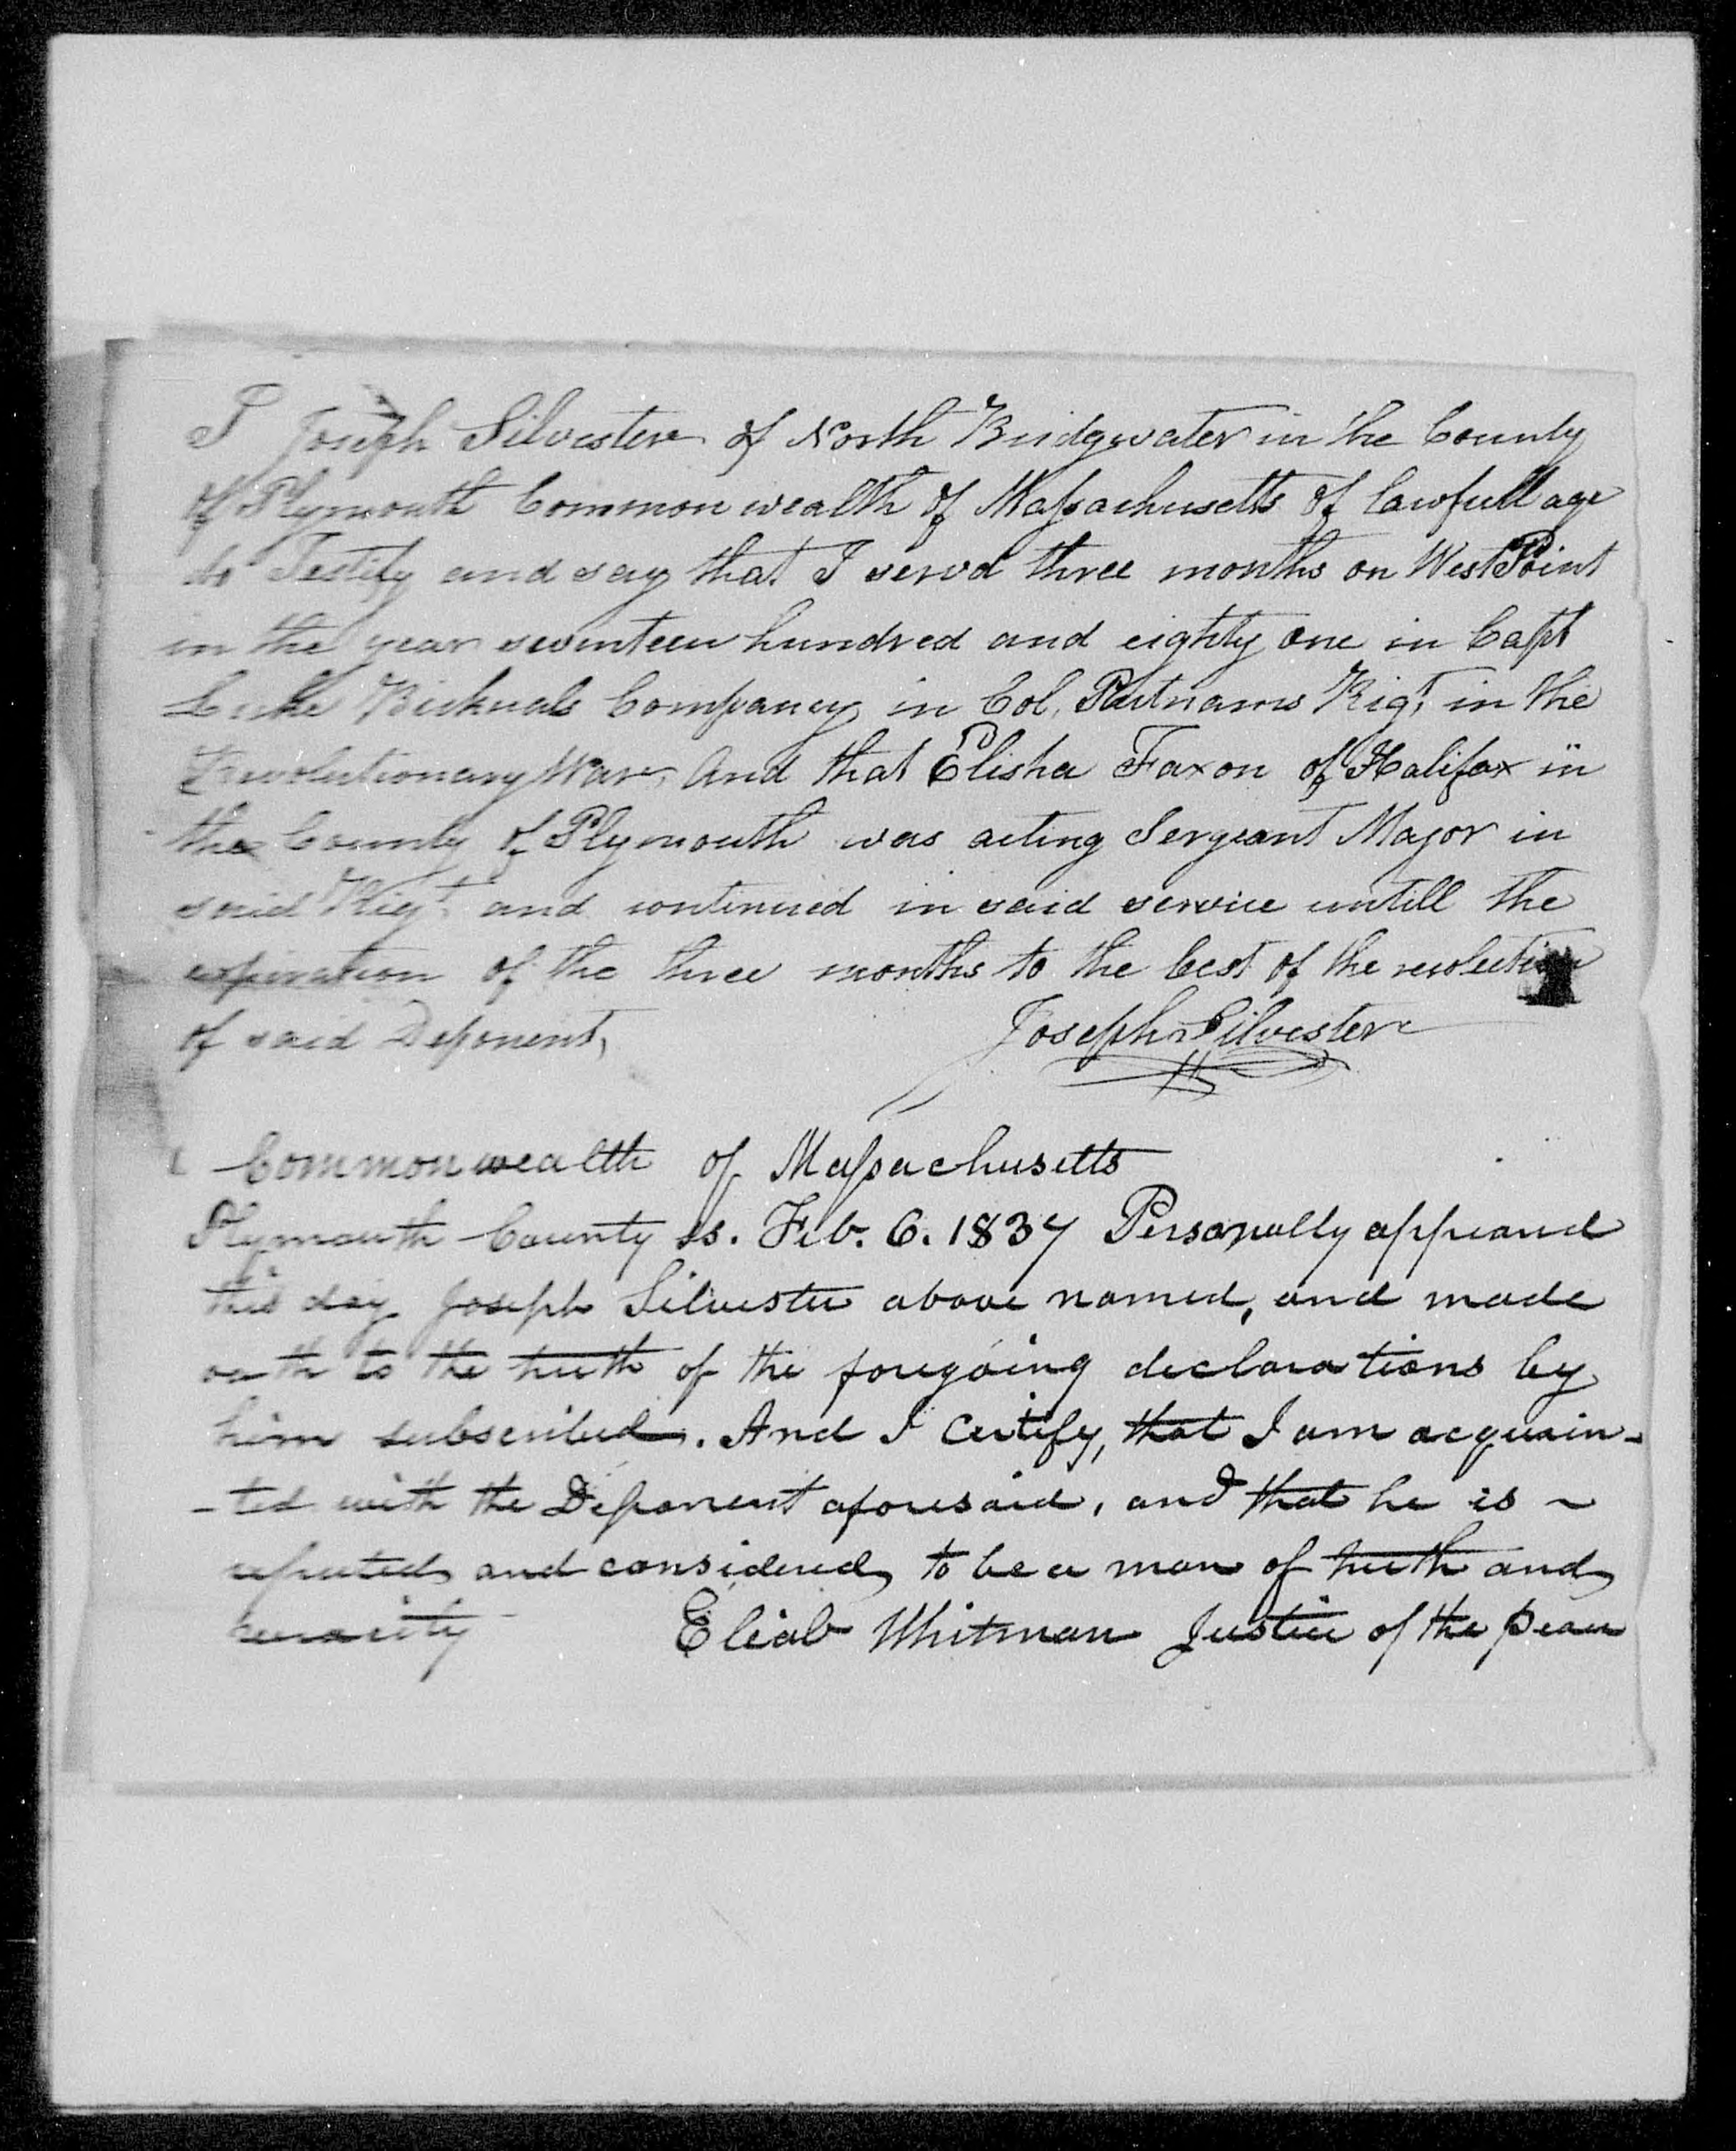I Joseph Silvester of North Bridgwater in the County of Plymouth Commonwealth of Massachusetts of lawful age do testify and say that I served three months on West Point in the year seventeen hundred and eighty one in Captain Luke Bicknals company in Colonel Putnams regiment in the Revolutionary War and that Elisha Faxon of Halifax in the County of Plymouth was acting Sergeant Major in said regiment and continued in said service with the expiration of the three months to the best of the resolution of said deponent. 
Joseph Silvester
Commonwealth of Massachusetts
Plymouth County Mass. February 6 1834 Personally appeared this day Joseph Silvester above named, and made oath to the truth of the foregoing declarations by him subscribed. And I certify that I am acquainted with the deponent aforesaid and that he is (illegible) and considered to be a man of truth and(illegible)
Eliab Whitman Justice of the Peace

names: Joseph Silvester, Elisha Faxon, Eliab Whitman, Joseph Silvester, Joseph Silvester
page: 38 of 47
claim: widow's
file: W. 14703, Elisha Faxon, Mass